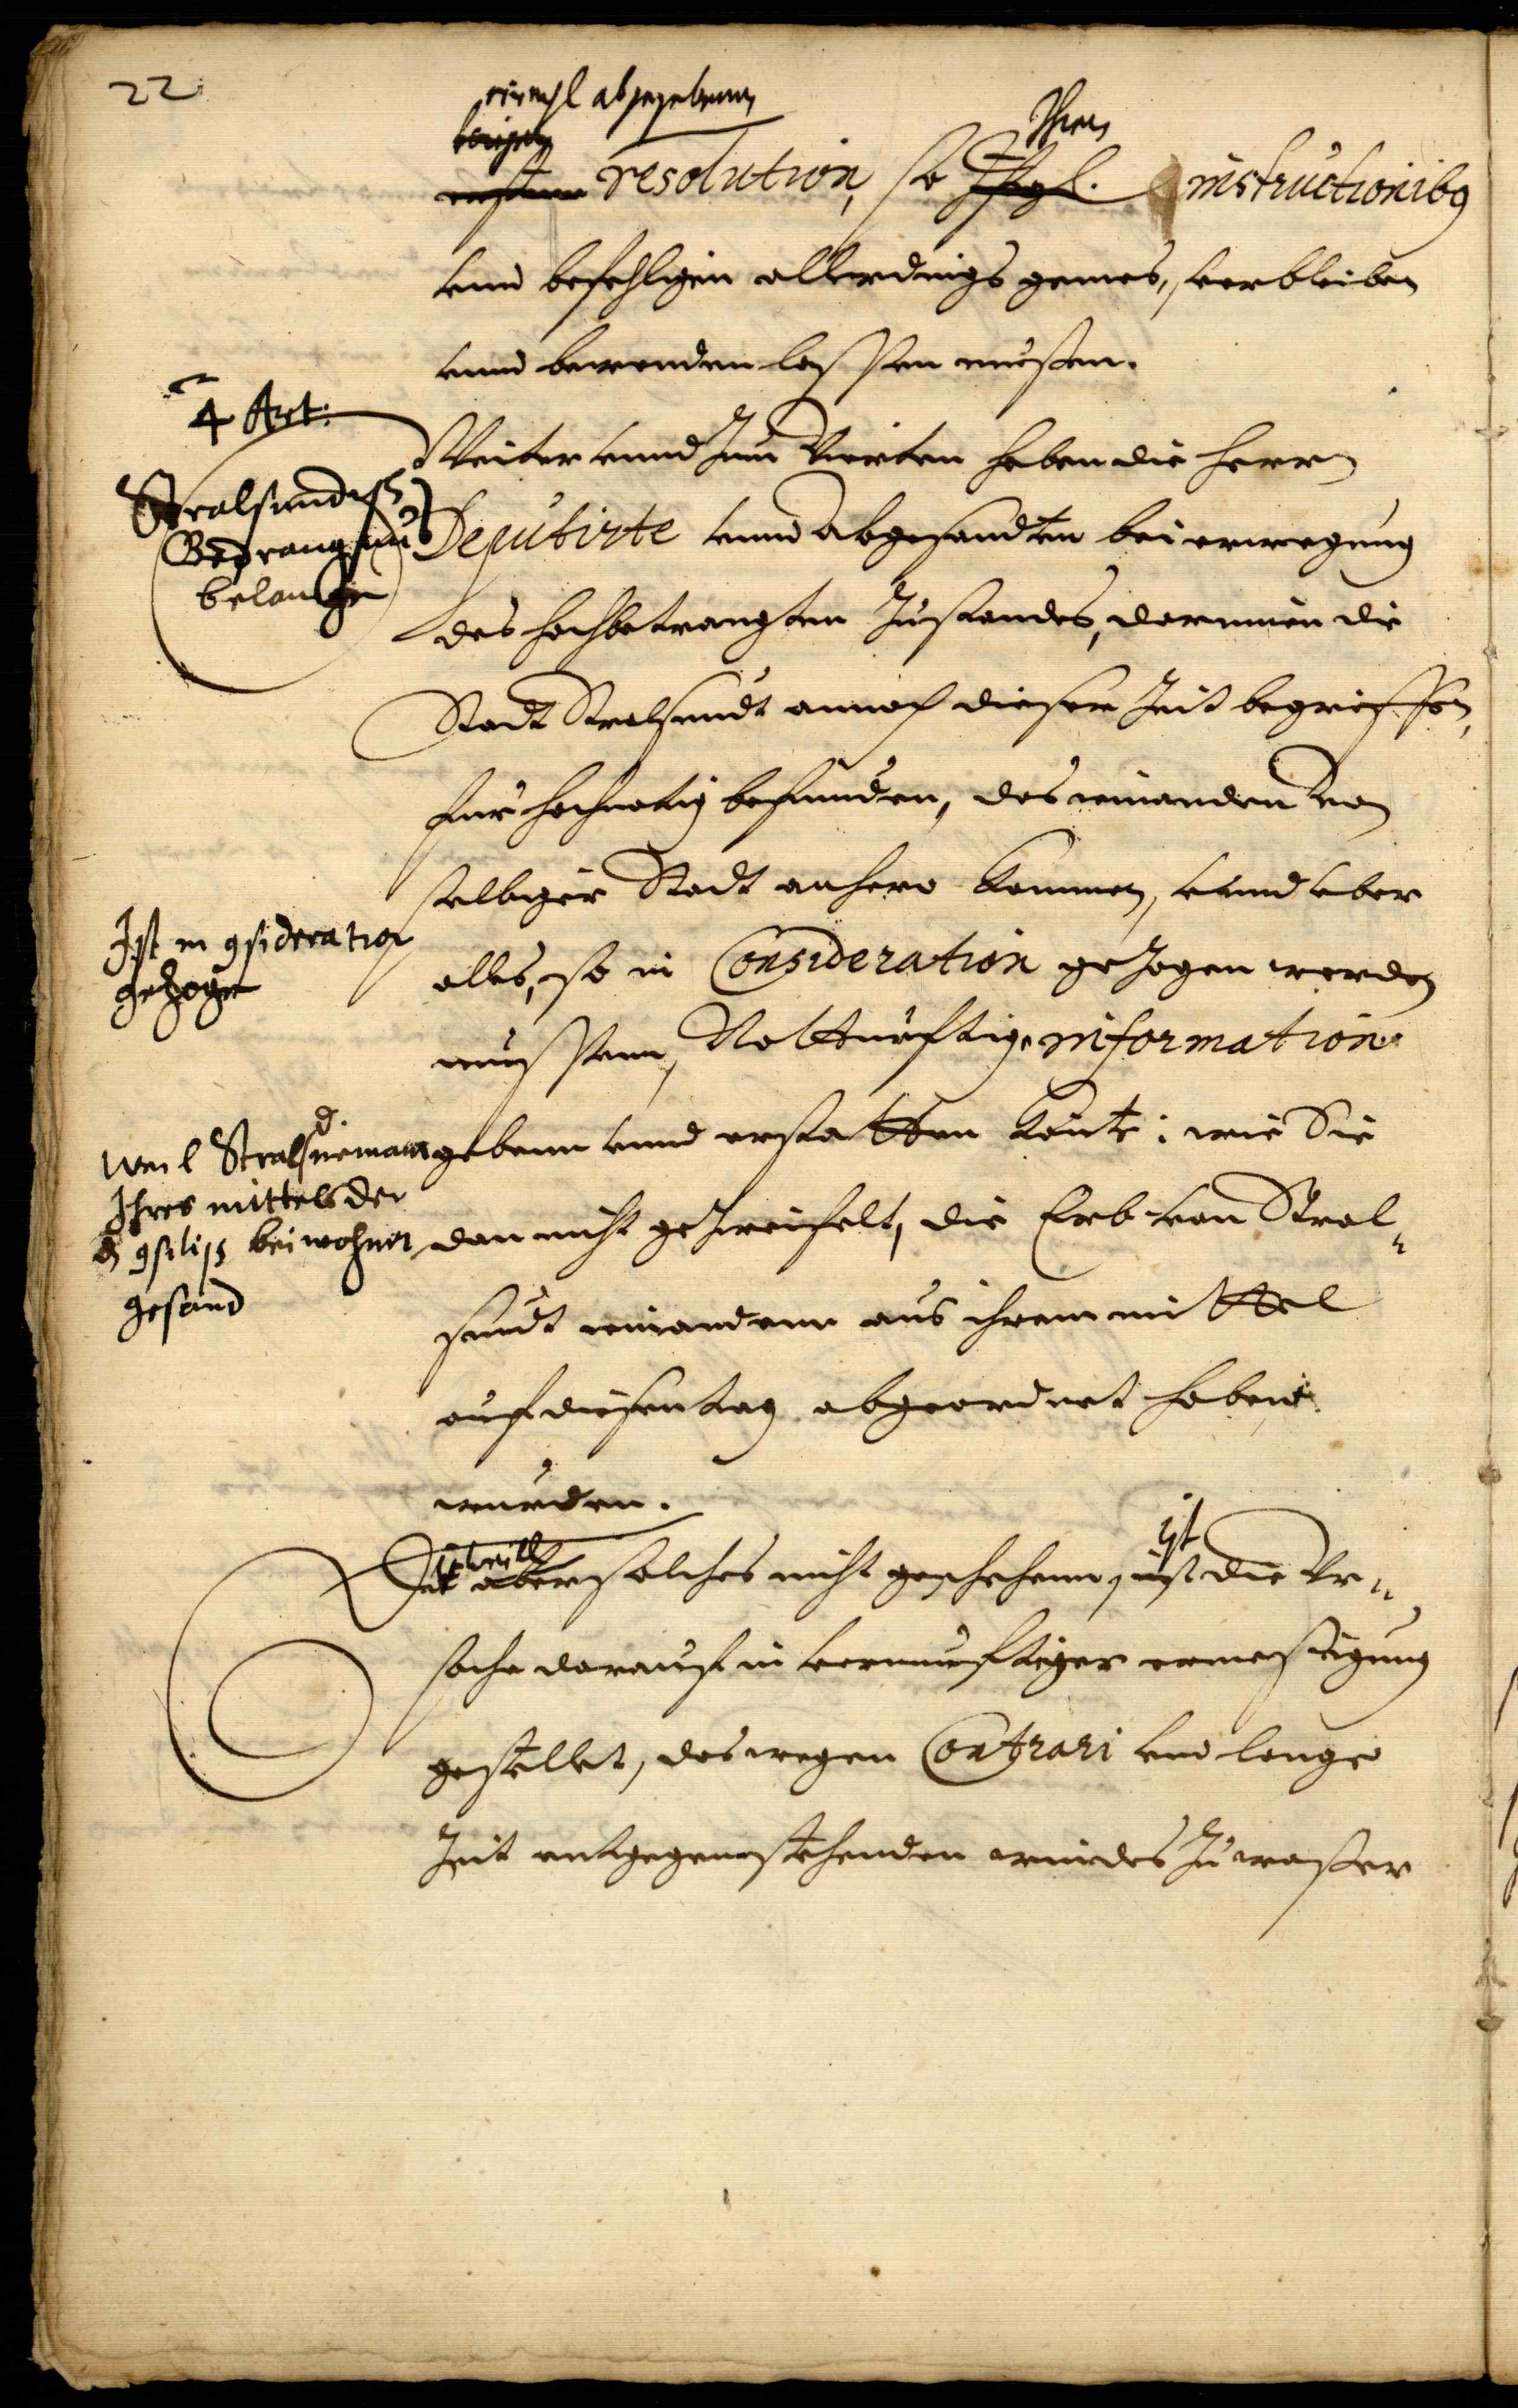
22
einmahl abgegebenen
Ihren
hoighen
riestenen resolution, so I. Fgl instructionibus
vnd befehligen allerdings gemes, verbleiben
vnnd bewenden lassen mußen.
Weiter vnnd zum Vierten haben die herrn
Deputirte vnnd Abgesandten bei erwegung
des hochbetrangten zustandes, darinnen die
Stadt Stralsundt annoch dieser zeit begriffen,
fur hochnotig befunden, das iemanden von
selbiger Stadt anhero kommen, vnnd vber
alles, so in Consideration gezogen werden
musstenn, Notturftige information
geben vnnd erstatten könte: wie Sie
dan nicht gezweifelt, die Erb. von Stral¬
sundt iemandenn aus ihrem mittel
auf diesen tag abgeordnet habent
wurden.
4 Art.
Stralsundisch
Bedrangnus
belangen
Ist in consideration
gezogen
weil Stralsd. nemant
Ihres mittels der
das consiliss beiwohnet
gesand
Dieweill aber solches nicht geschehenn, ist die Vr¬
sache darauf in vernunftiger ermeßigung
gestellet, des wegen Contrari vnd lange
zeit entgegennstehenden wieders zu waßer
